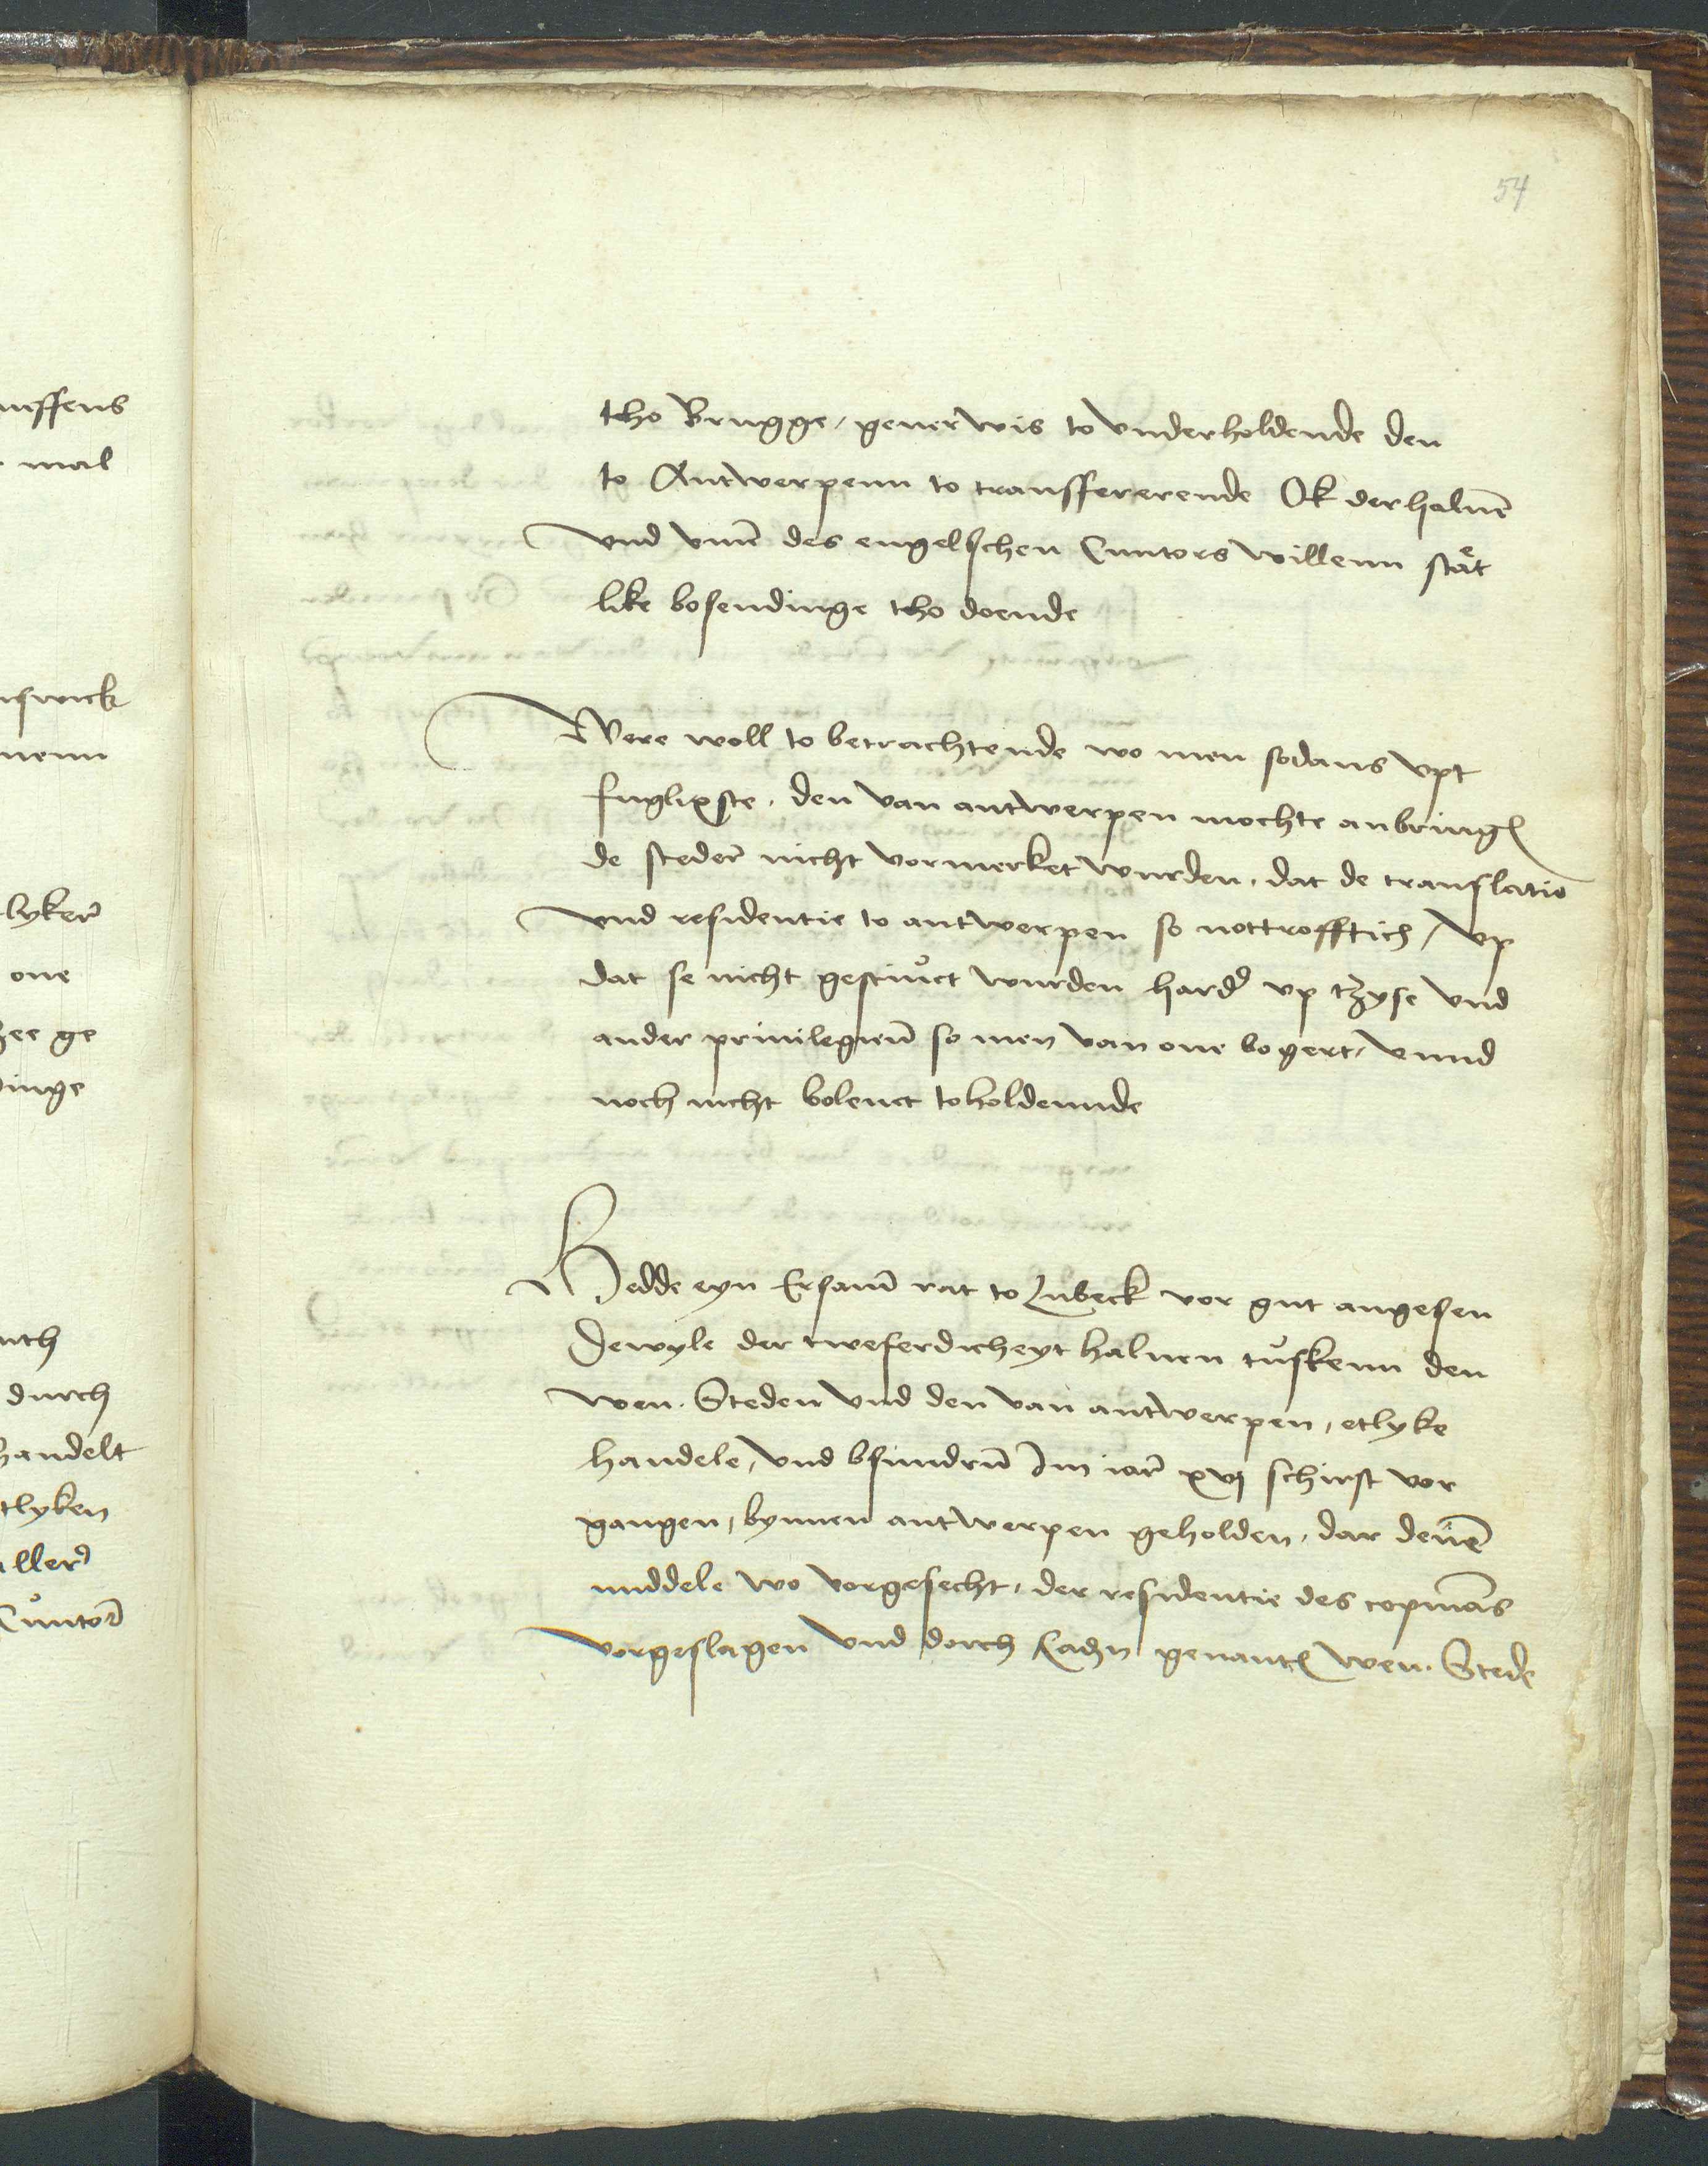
tho Brugge, generwis to vnderholdende den
to Antwerpenn to transffererende Ok derhaluen
vnd vmme des engelschen Cuntors willenn stat¬
like bosendige tho doende
Were woll to betrachtende wo men sodans vpt
fuglixste, den van antwerpen mochte anbringen
de steder nicht vormerket wurden, dat de translatio
vnd residentie to antwerpen so nottrofftich, vp
dat se nicht gestiuet wurden harder vp tzyse vnd
ander priuilegien so men van one bogert, vnnd
noch nicht boleuet toholdende
Hedde eyn Ersamer Rat to Lubeck vor gut angesen
dewyle der tweferdicheyt haluen tuskenn den
wen. Steden vnd den van antwerpen, etlyke
handele, vnd bsundren Jm iar xvj schirst vor¬
gangen, bynnen antwerpen geholden, dar denen
middele wo vorgesecht, der residentie des copmans
vorgeslagen vnd dorch Radessendebaden genanten wen. Stede
